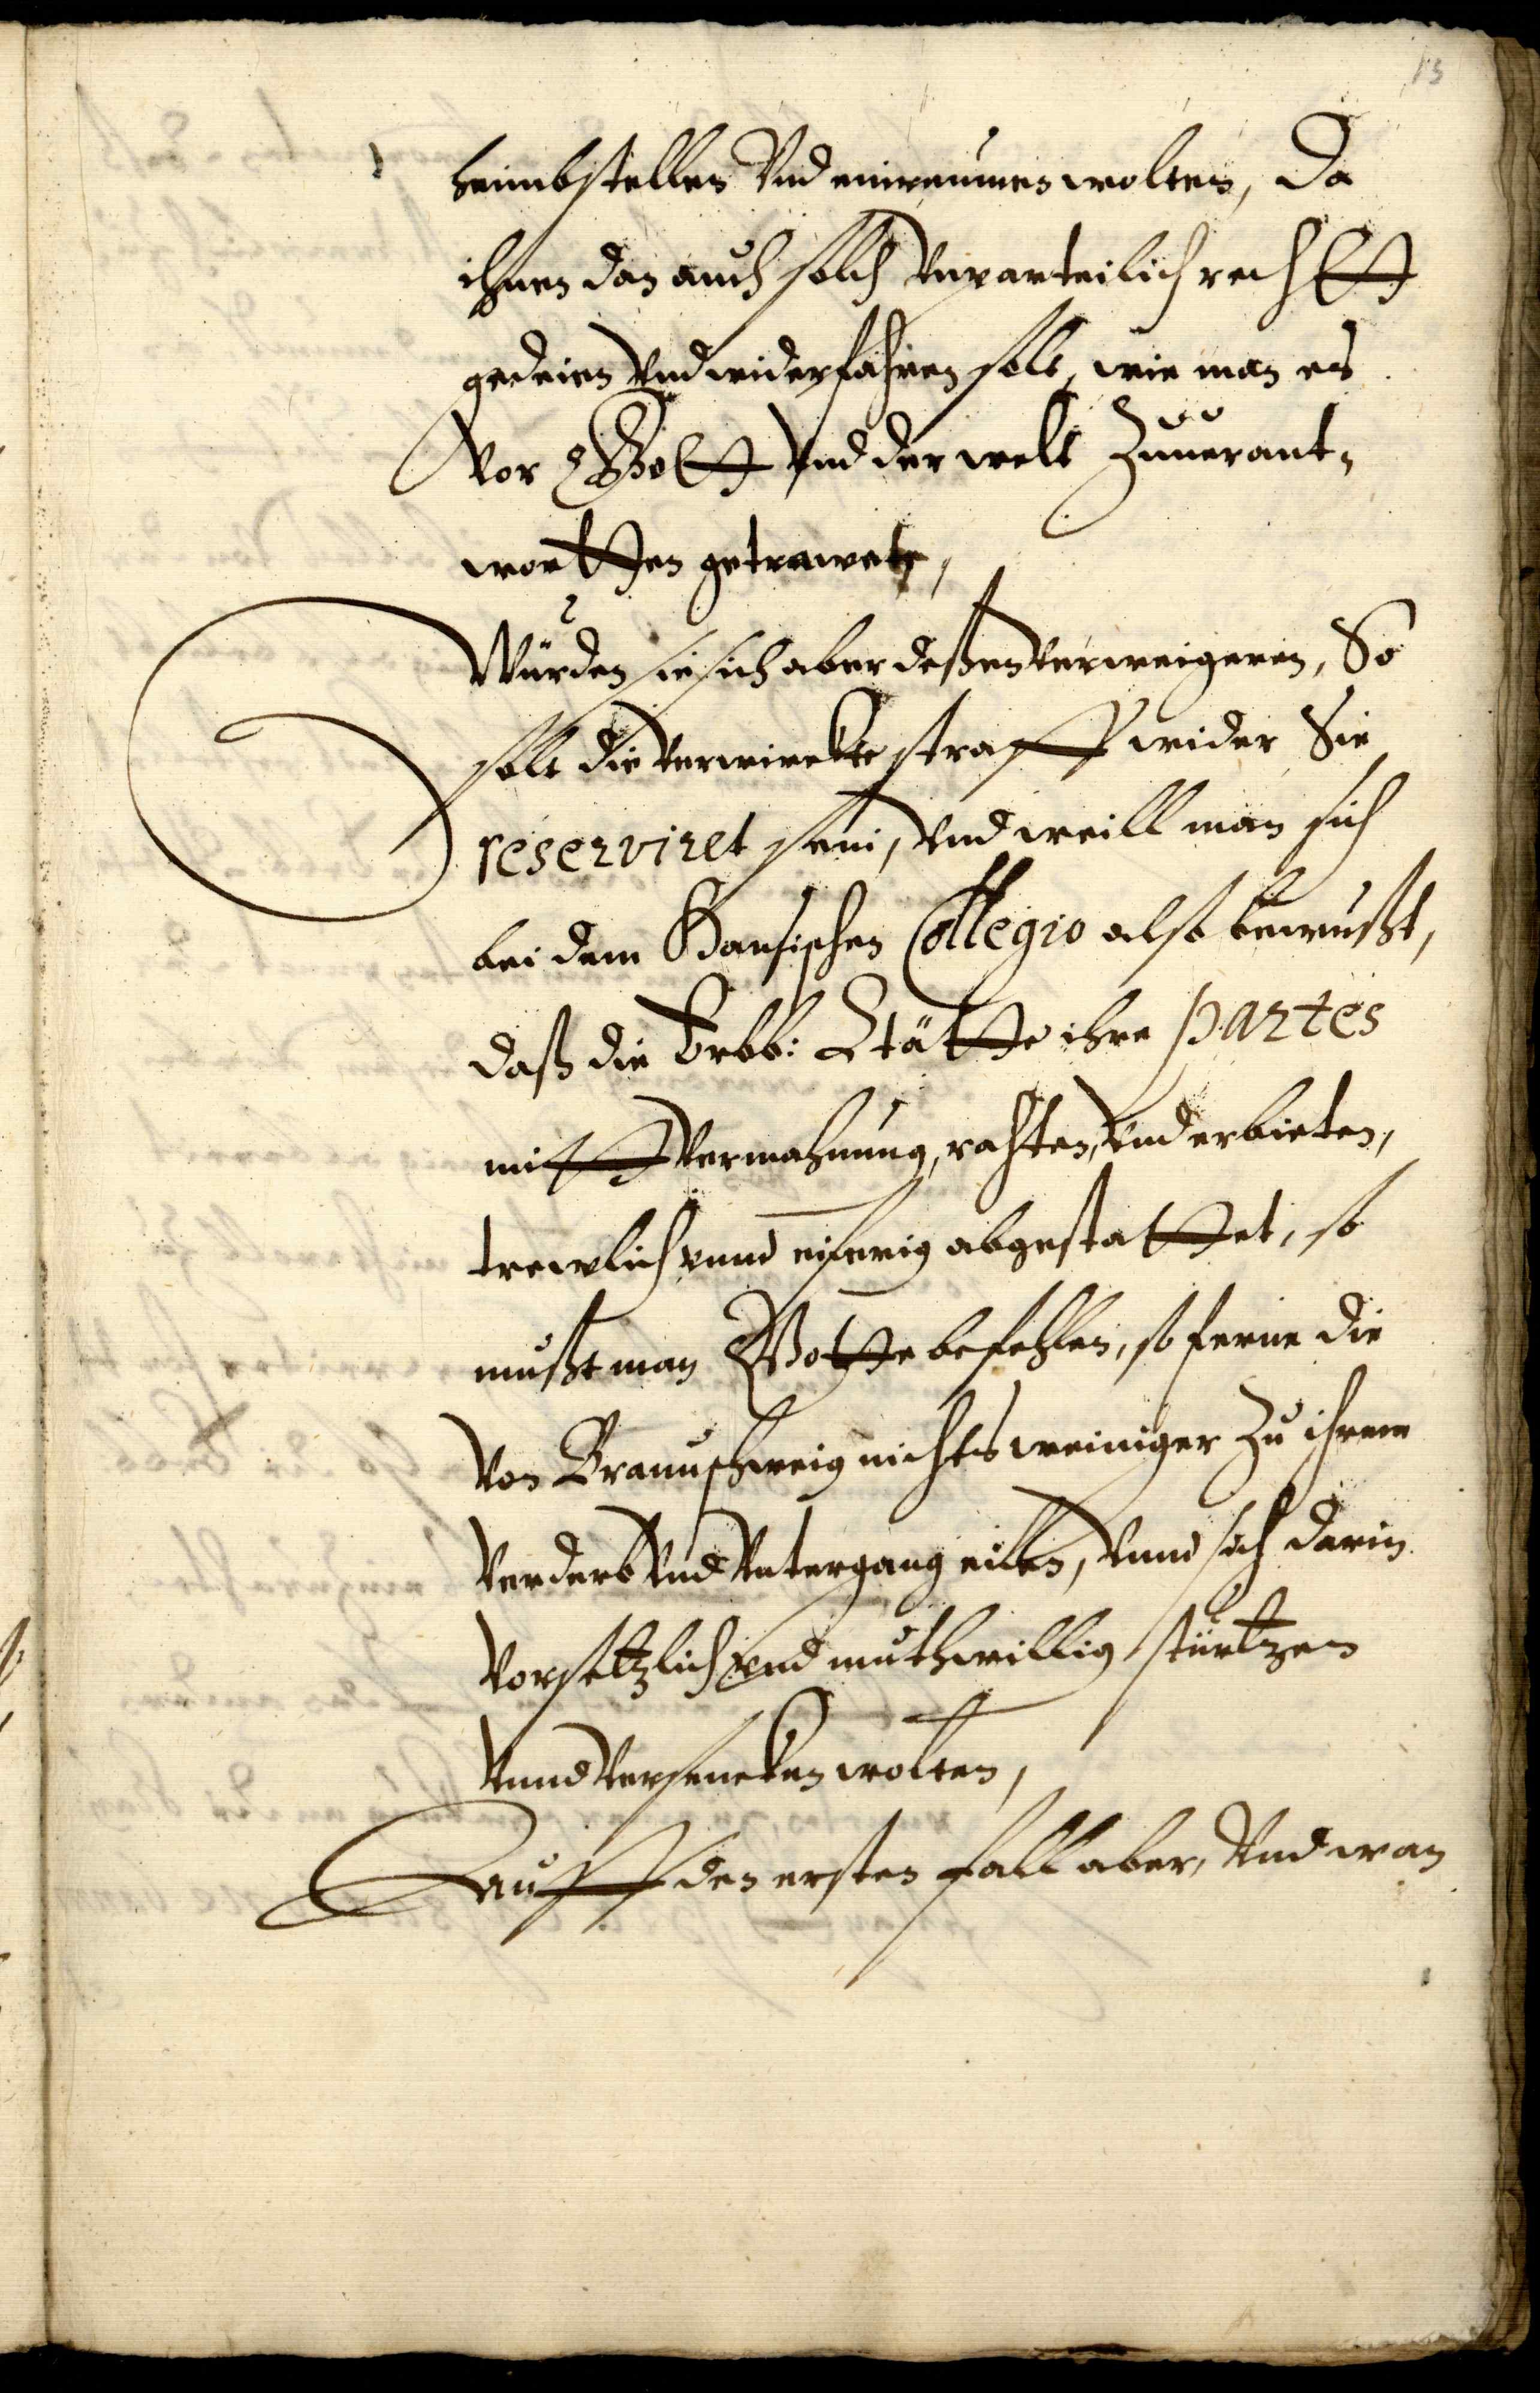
heimbstellen Vnd einreumen wolten, Da
ihnen dan auch solch Vnparteilich rechtt
gedeien Vnd widerfahren solt, wie man es
Vor Gott Vnd der welt Zuuerant¬
worten getrawet,
Würden sie sich aber deßen Verweigeren, So
solt die Verwirckte straff wider Sie
reserviret sein, Vnd weill man sich
bei dem Hansischen Collegio also bewußt,
daß die Erbb: Stätte ihre partes
mitt Vermahnung, rahten, Vnd erbieten,
trewlich vnnd eifrig abgestattet, so
mußt man Gott befehlen, es ferne die
Von Braunschweig nichts weniger zu ihrem
Verderb Vnd Vntergang eilen, Vnnd sich darin
Vorsetzlich Vnd mutwillig stürtzen
Vnd Versencken wolten,
Auff den ersten fall aber, Vnd wan
